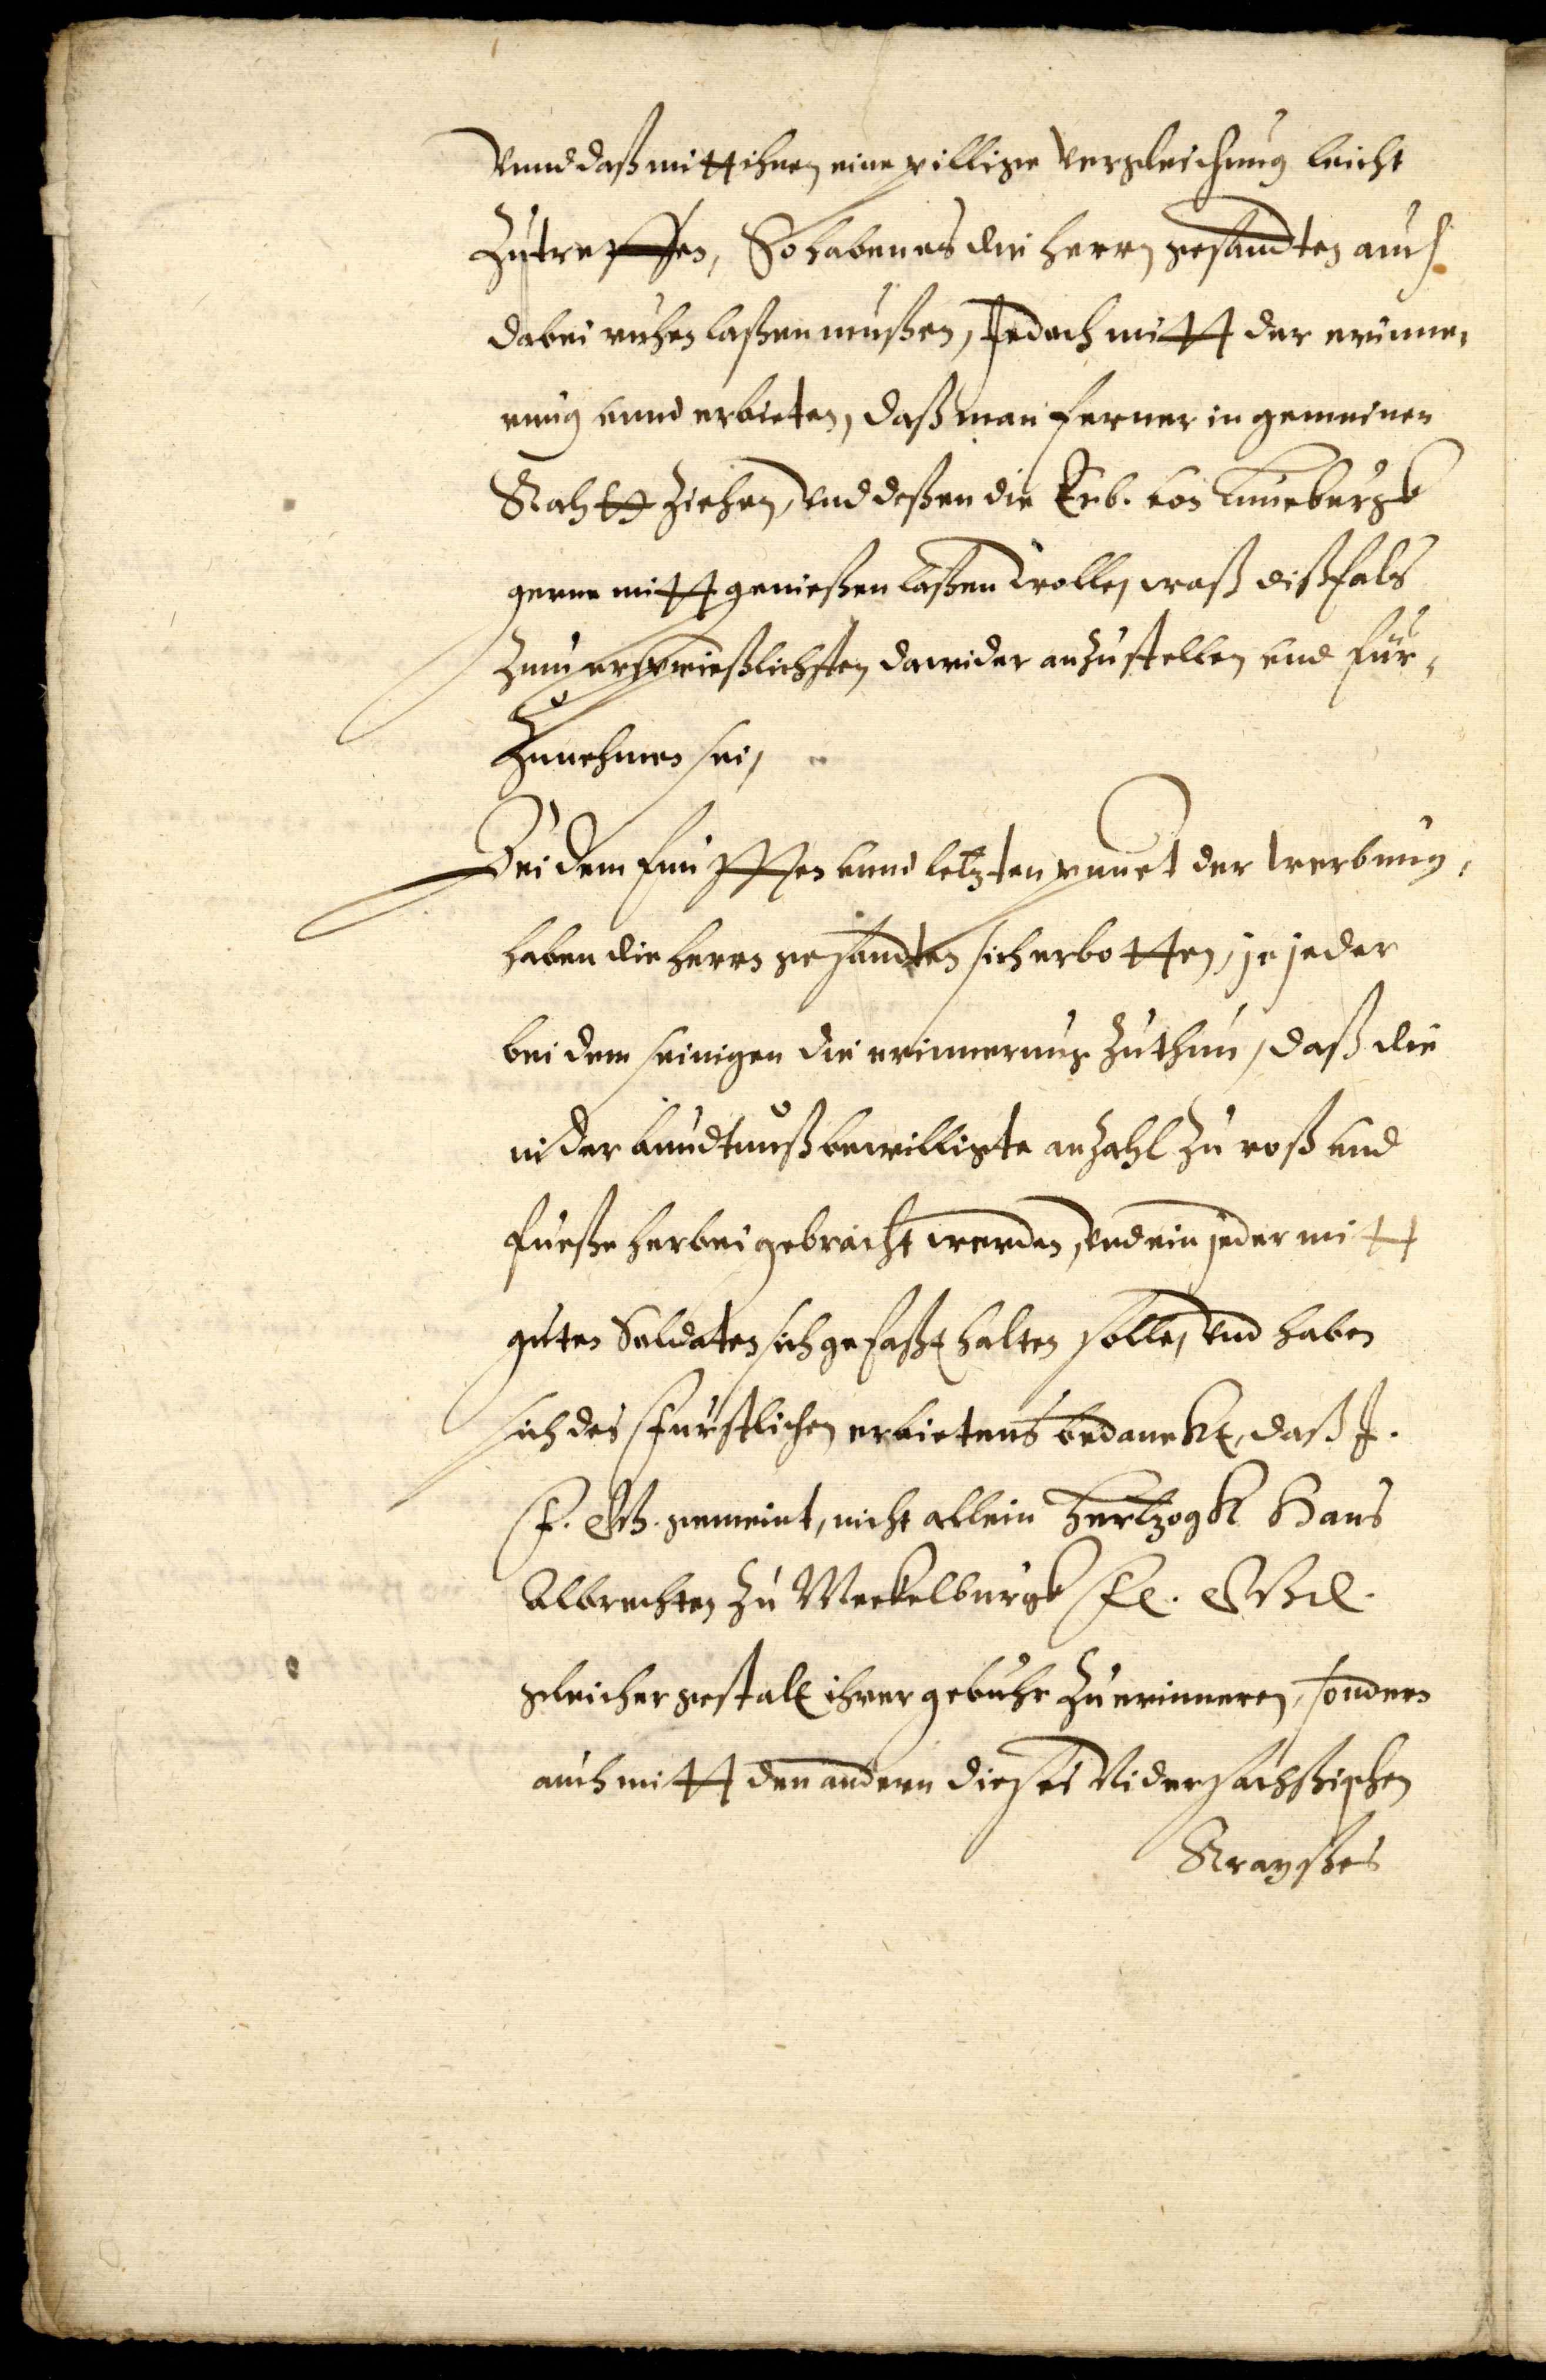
vnnd daß mitt ihnen eine pillige vergleichung leicht
Zutreffen, So haben es die herrn gesandten auch
dabei ruhen laßen mußen, jedoch mitt der erinne¬
rung vnnd erbieten, daß man ferner in gemeinen
Rahtt ziehen, vnd deßen die Erb. von Luneburgk
gerne mitt genießen laßen wollen waß dißfals
zum ersprießlichsten dawider anzustellen vnd für¬
zunehmen sei,
Bei dem funfften vnnd letzten punct der werbung,
haben die herrn gesandten sich erbotten, je jeder
bei dem seinigen die erinnerung zuthun, daß die
in der bundtnuß bewilligte anzahl zu roß vnd
fueße herbei gebracht werden, vnd ein jeder mitt
guten Soldaten sich gefaßt halten solle, vnd haben
sich des Furstlichen erbietens bedanckt, daß I.
F. G. gemeint, nicht allein Hertzogk Hans
Albrechten zu Meckelburgk Fl. Gd.:
gleicher gestalt ihrer gebuhr zu erinnern, sondern
auch mitt den andern dieses Nidersachßsichen
Krayßes
